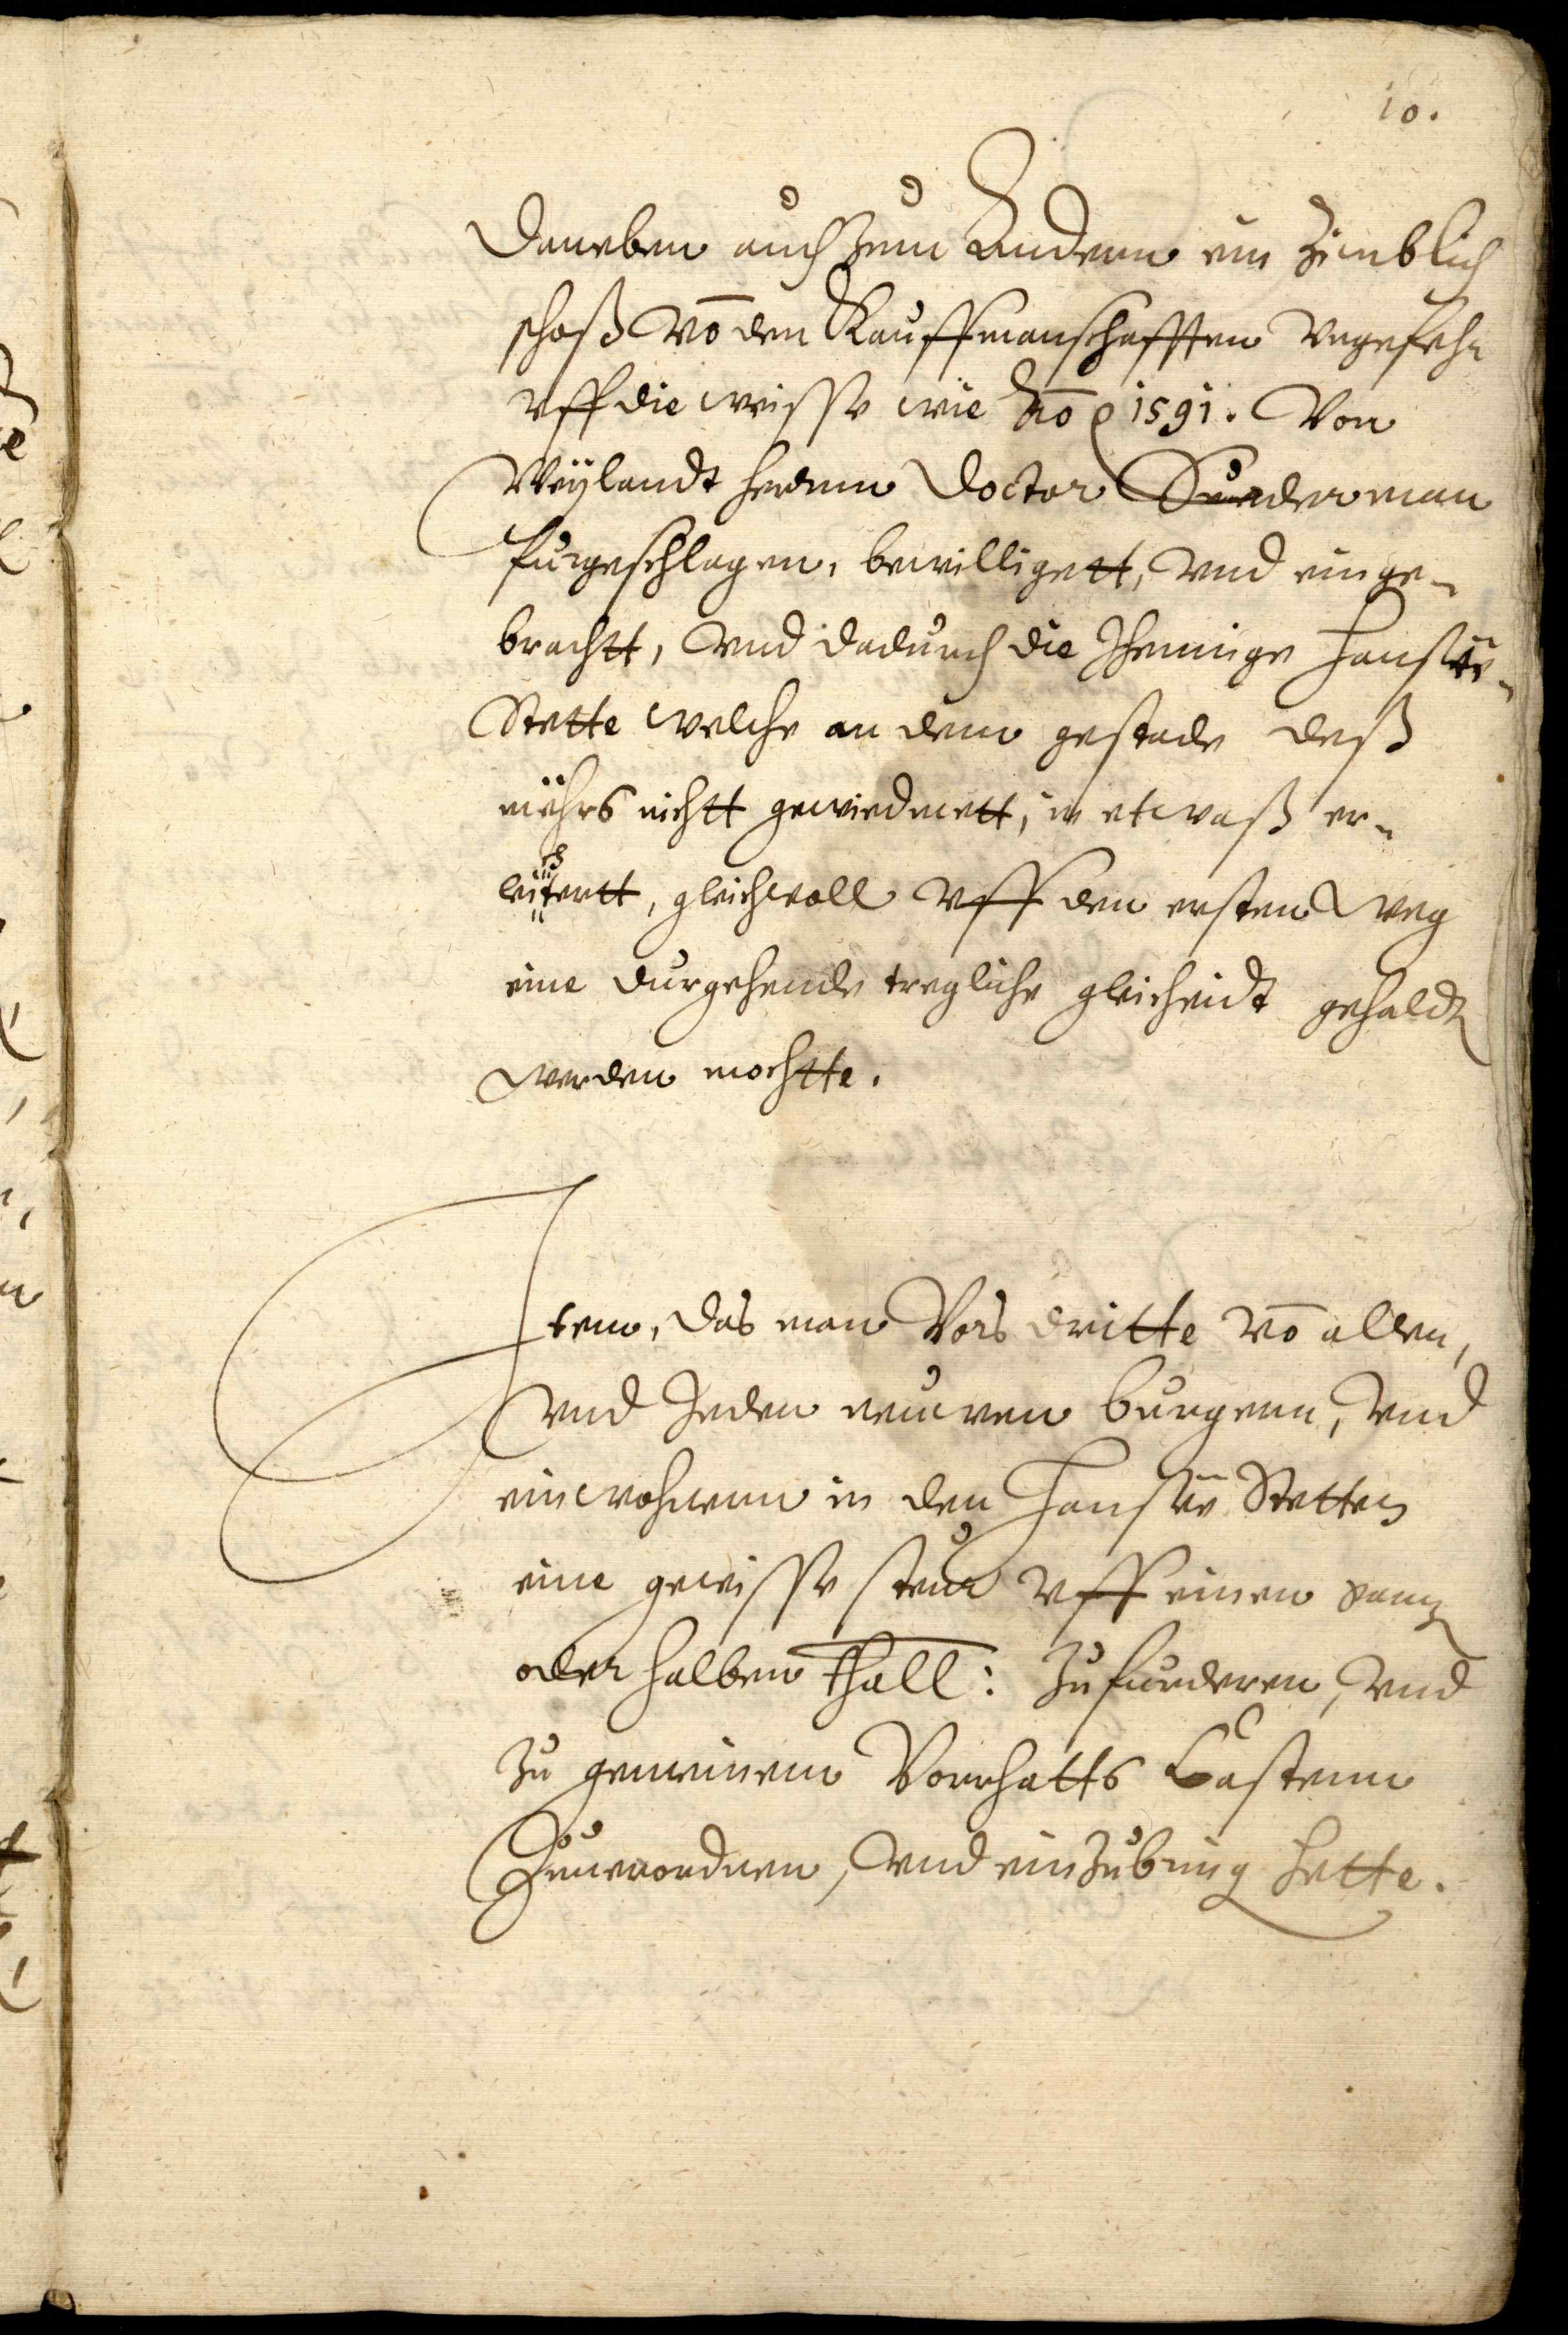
10.
daneben auch zum Andern ein Zimblich
schoß von den Kauffmanschafften vngefehr
vff die weisse wie Ao p 1591. von
weijlandt herrnn doctor Sunderman
brachtt, vnd dadurch die Jhennigen hanse¬
stette welche an dem gestade deß
mehrs nichtt gewiedmett, in etwaß er¬
ch
lei"tertt, gleichwoll vff dem ersten weg
eine durgehend tregliche gleichheidt gehalden
werden mochte.
Item, das man Vors dritte von allen
vnd Jeden neuwen burgern,vnd
einwohnern in den Hansen Stetten
eine gewwisse steur vff einem gantzen
oder halbem Thall: zu furderen,vnd
zu gemeinem Vorrhatts Lastenn
Zuuerordnen,vnd einzubringen hette.
